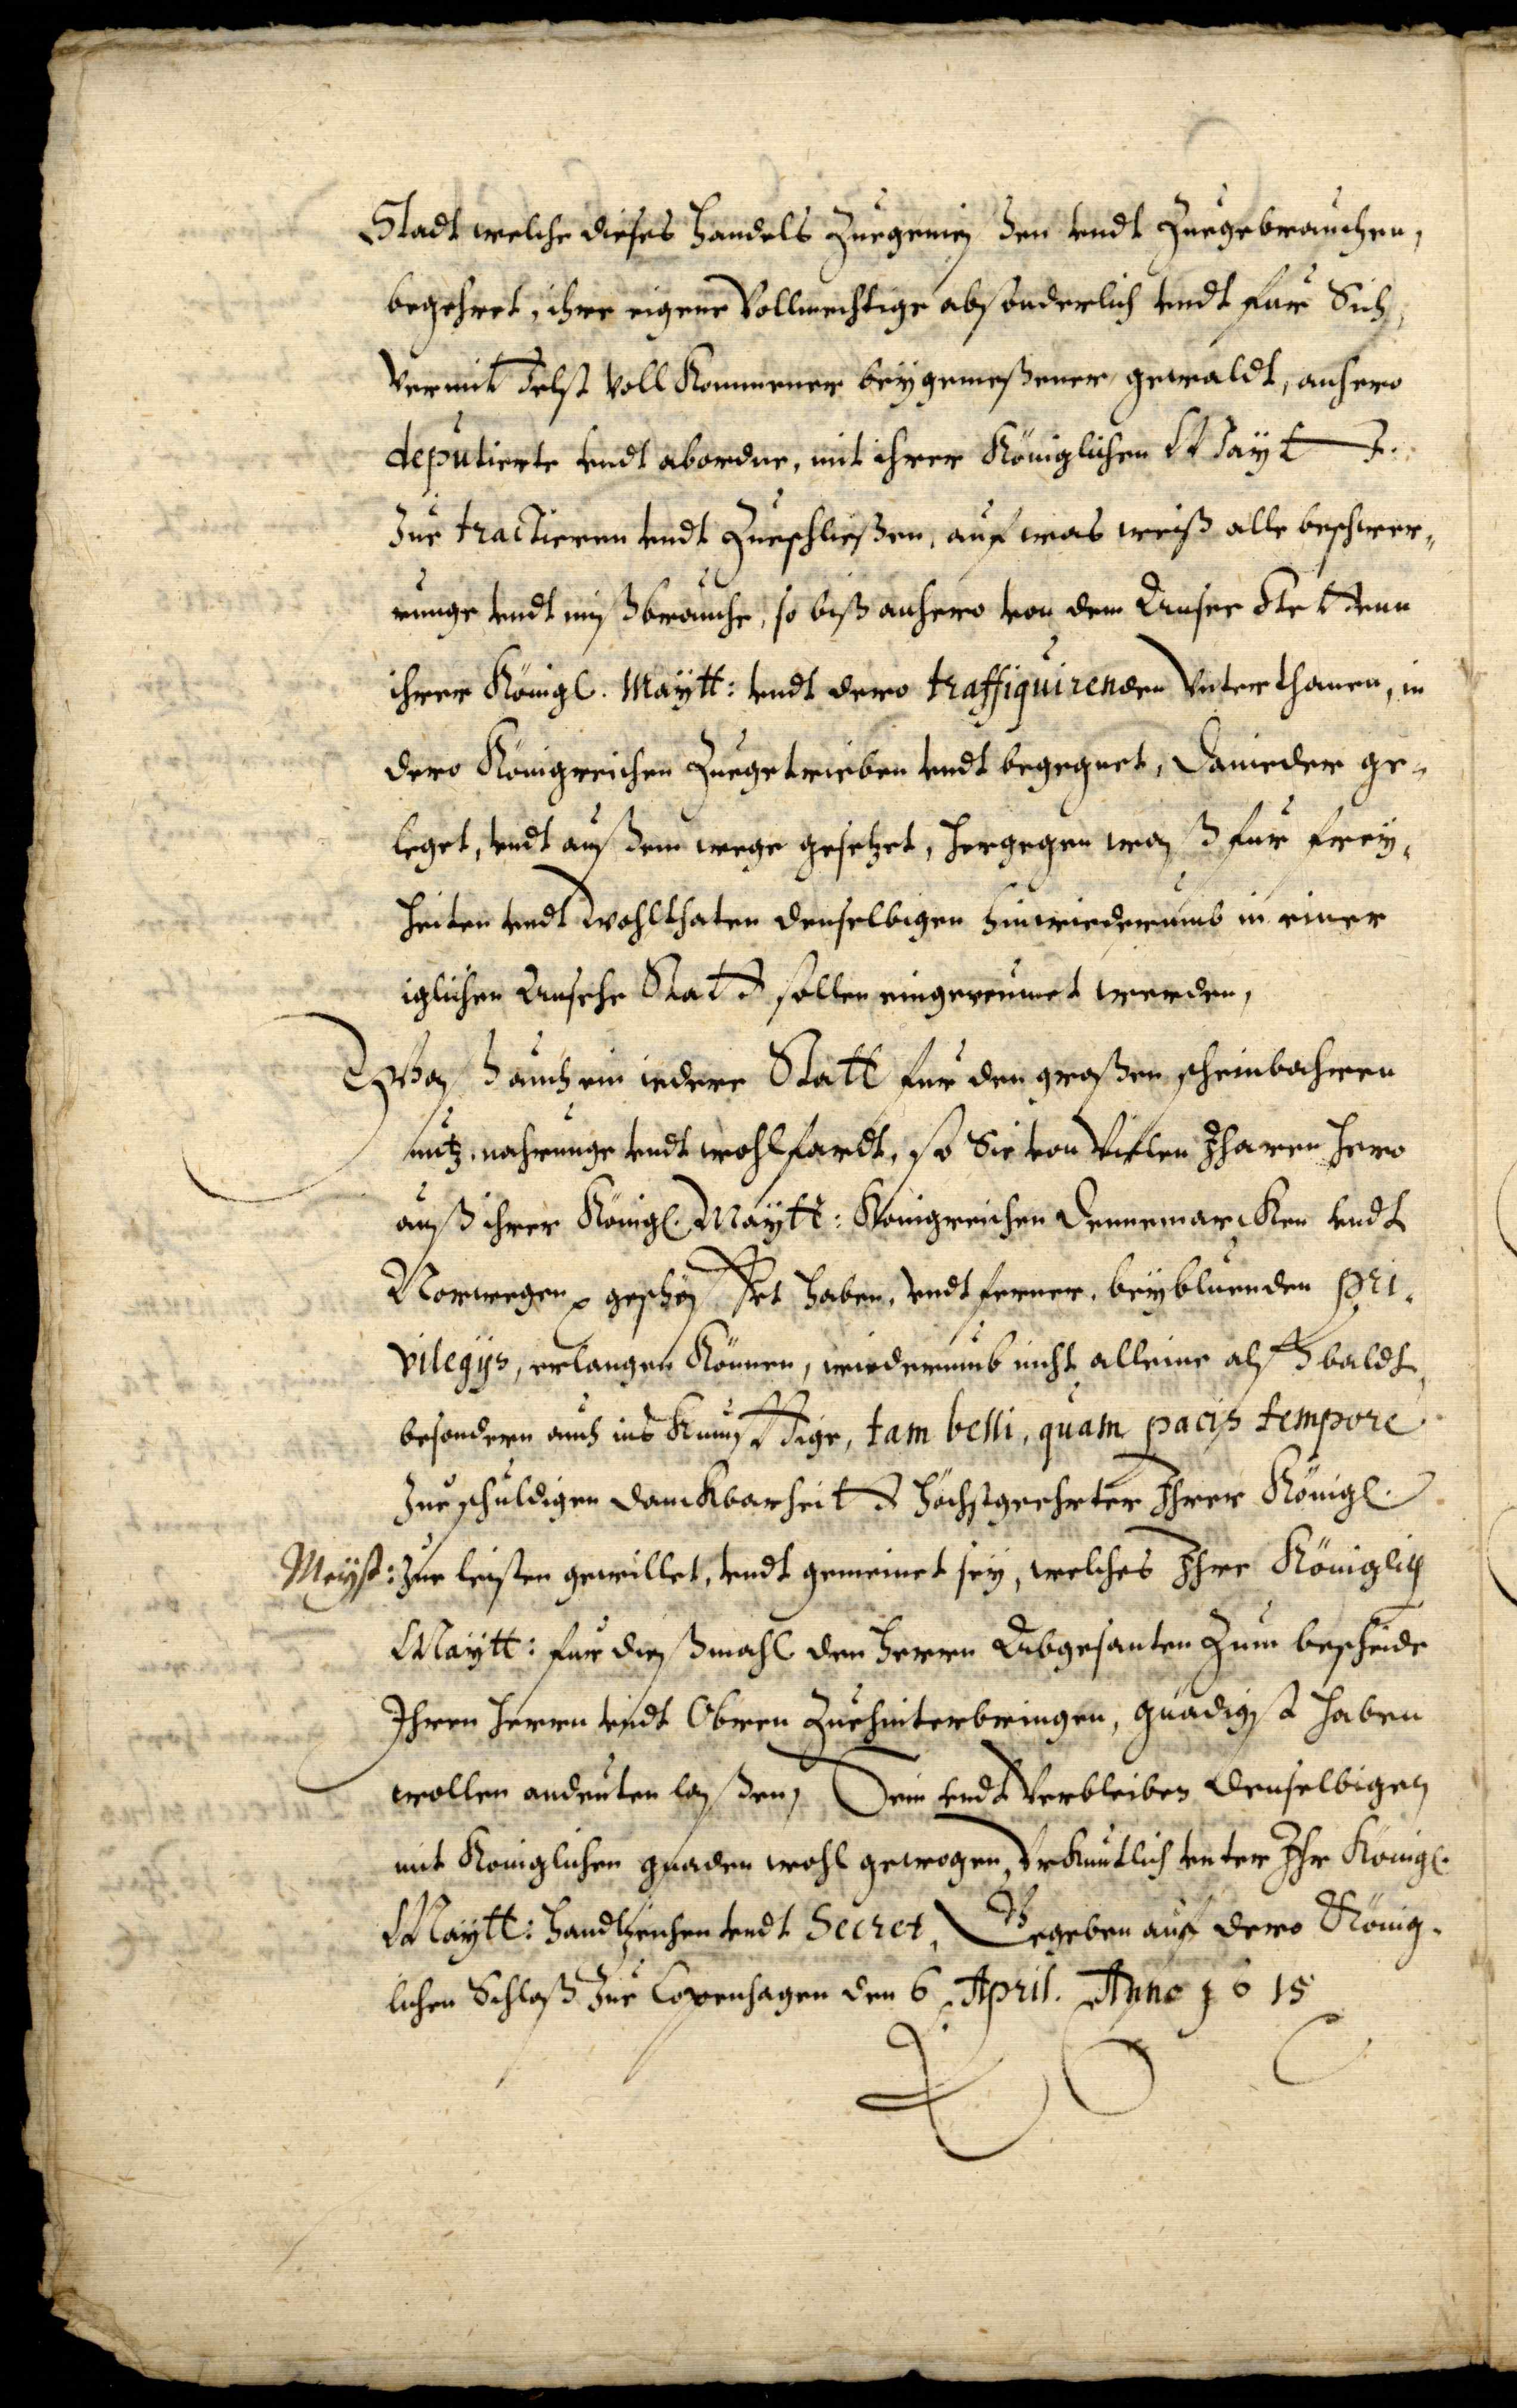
Stadt welche dieses handels zuegenießen vndt zuegebrauchen,
begehret, ihre eigene Vollmechtige absonderlich vndt fur Sich,
Vermittelst Voll Kommener beijgemeßener gewaldt, anhero
deputierte vndt abordne, mit ihrer Königlichen Maijtt.
zue tractieren vndt zueschließen, auf was weiß alle beschwer¬
runge vndt mißbrauche, so biß anhero von dem Ansee Stettenn
ihrer Königl. Maijtt: vndt dero traffiquirenden Vnterthanen, in
dero Königreichen zuegetrieben vndt begegnet, danieder ge¬
leget, vndt außem wege gesetzet, hergegen waß fur freij¬
heiten vndt Wohlthaten denselbigen hinwiederumb in einer
iglichen Annsehe Statt sollen eingereumet werden,
Waß auch ein iedere Statt fur den großen scheinbahren
nutz, nahrunge vndt wohlfardt, so Sie von Vielen Jharen hero
auß ihrer Königl. Maijtt: Konigreichen Dennemarcken vndt
Norwegen p geschöffet haben, vndt ferner, beij bluenden pri¬
vilegijs, erlangen können, wiederumb nicht alleine alß baldt,
besondern auch ins kumfftige, tam belli, quam pacis tempore
zue schuldigen danckbarheitt höchstgeehrter Ihrer Königl.
Meijst: zue leisten gewillet, vndt gemeinet seij, welches Ihre Königligen
Maijtt: fur dießmahl den Herrn Abgesanten zum bescheide
Ihren herrn vndt Obren zuehinterbringen, gnädigst haben
wollen andeuten laßen, Sein vndt Verbleiben denselbigen
mit Koniglichen gnaden wohl gewogen, Vrkuntlich vnter Ihr Königl.
Maijtt: handtzeichen vndt Secret, Gegeben auf dero König¬
lichen Schloß zue Copenhagen den 6. April. Anno 1615 p
